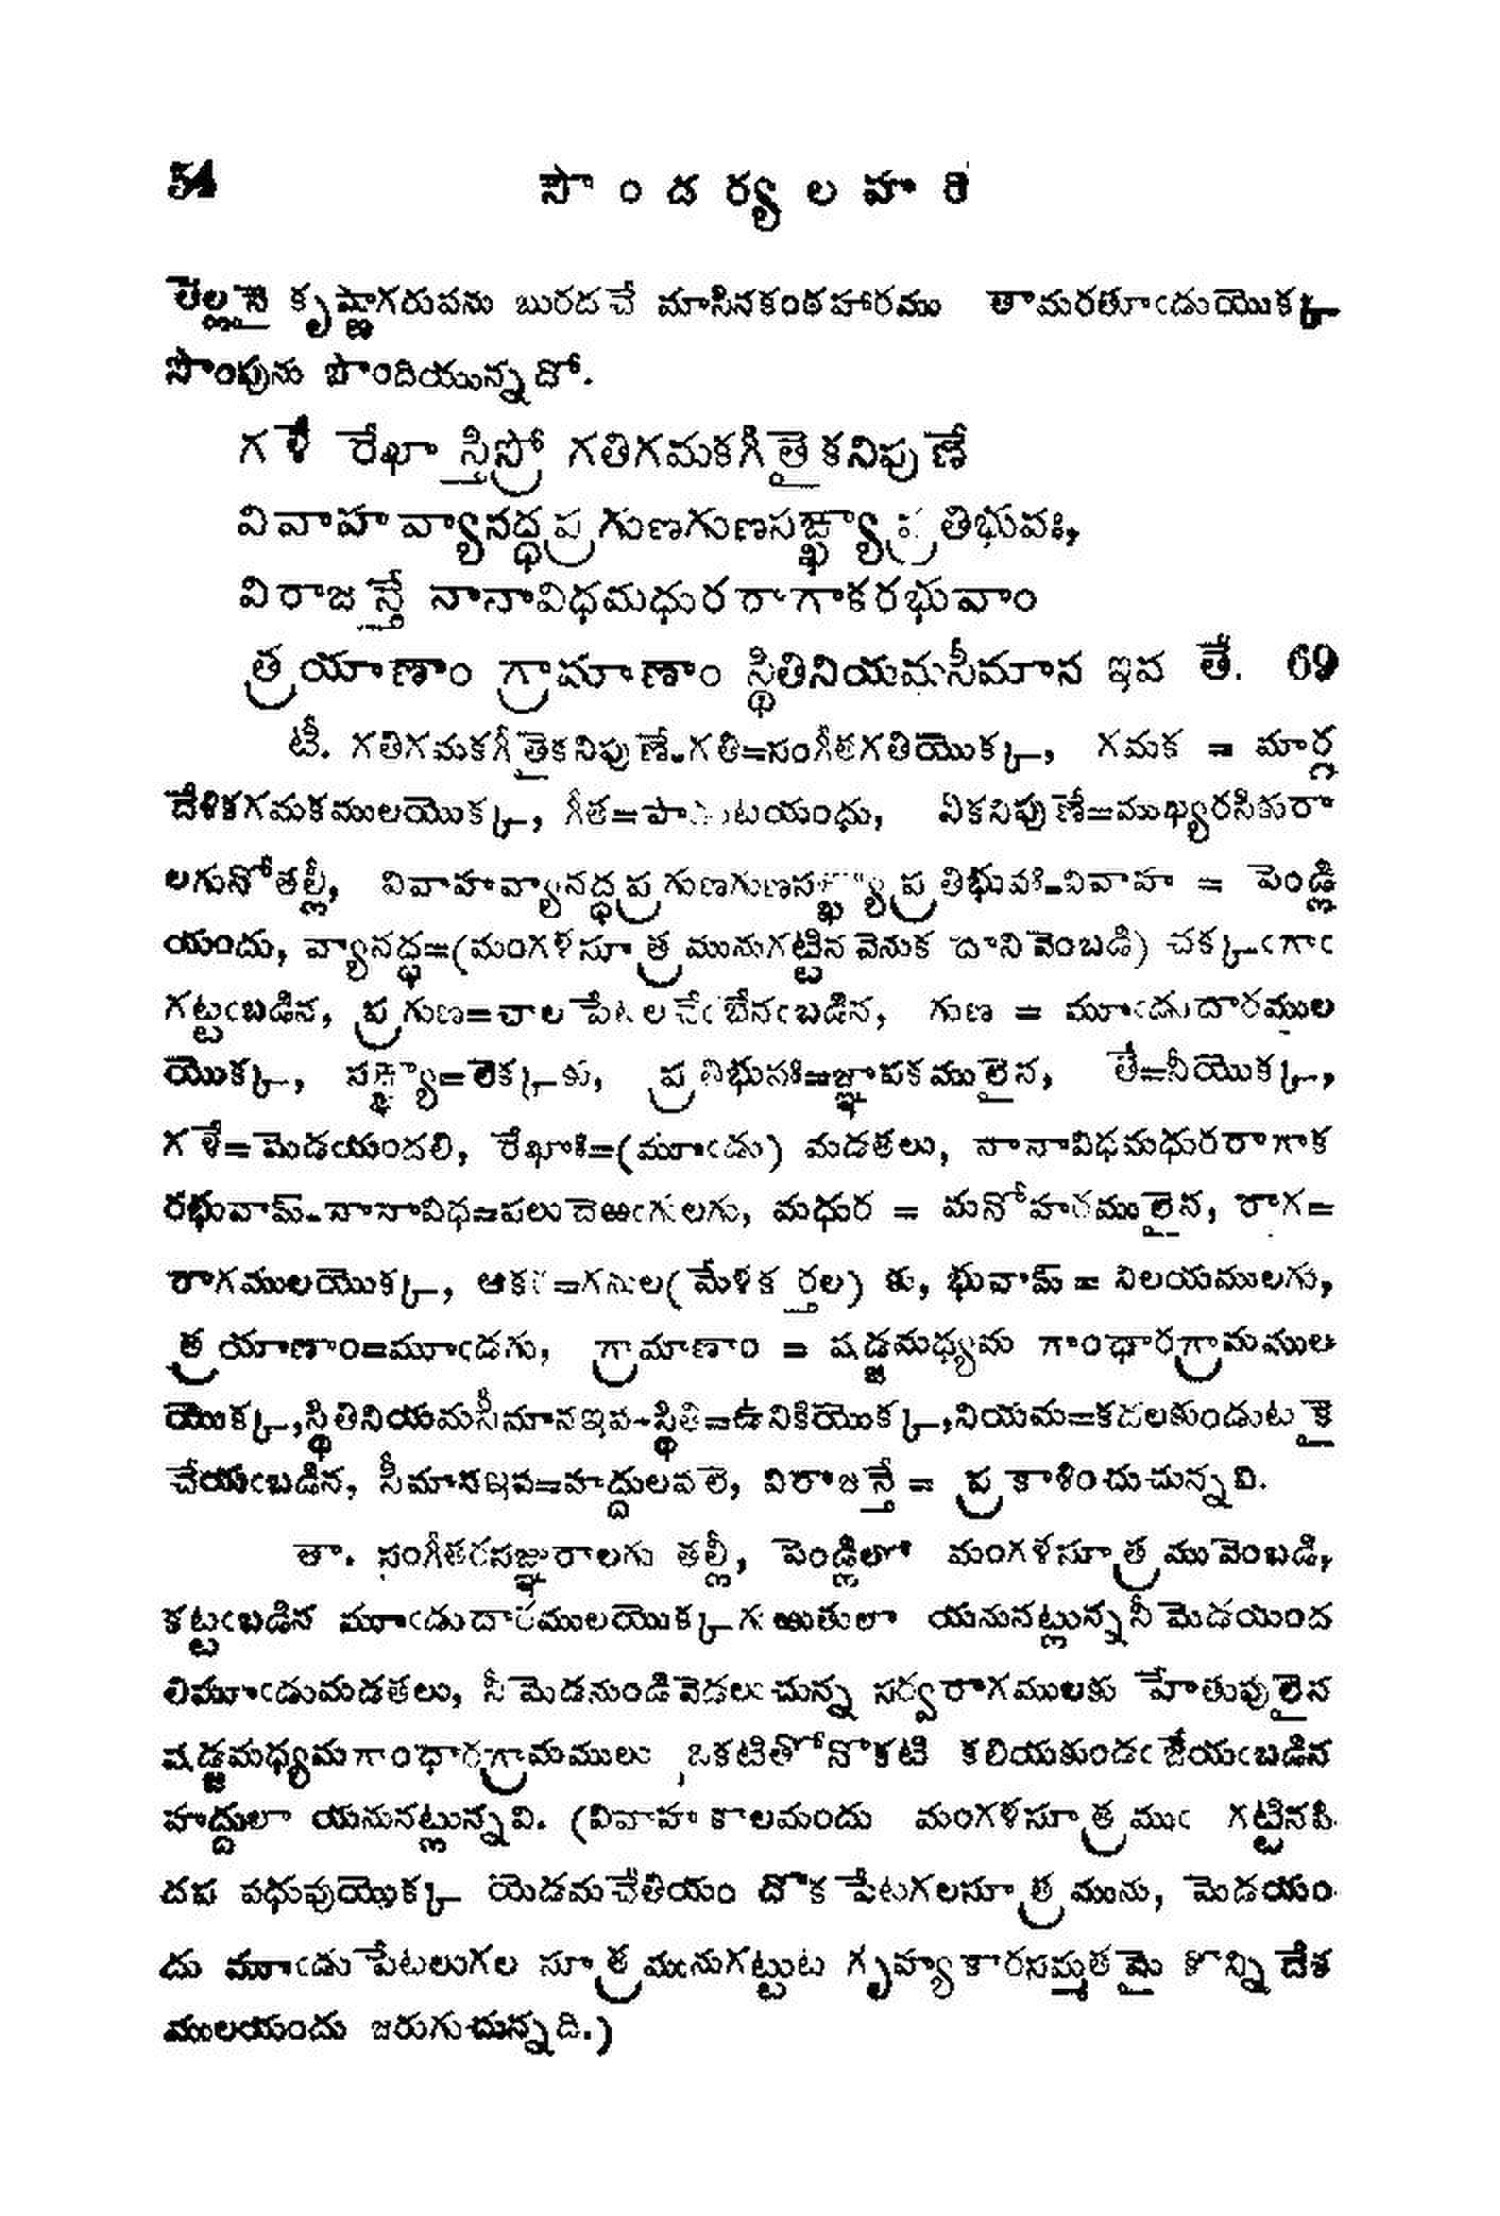తెల్లనై కృష్ణాగరువను బురదచే మాసినకంఠహారము తామరతూఁడుయొక్క సొంపును పొందియున్నదో.

గళే రేఖాస్తిస్రో గతిగమకగీతైకనిపుణే
వివాహవ్యానద్ధప్రగుణగుణసఙ్ఖ్యాప్రతిభువః,
విరాజన్తే నానావిధమధురరాగాకరభువాం
త్రయాణాం గ్రామాణాం స్థితినియమసీమాన ఇవ తే. 69
టీ. గతిగమకగీతైకనిపుణే-గతి = సంగీతగతియొక్క, గమక = మార్గదేశికగమకములయొక్క, గీత = పాడుటయందు, ఏకనిపుణే = ముఖ్యరసికురాలగునోతల్లీ, వివాహవ్యానద్ధప్రగుణగుణసఙ్ఖ్యాప్రతిభువః-వివాహ = పెండ్లియందు, వ్యానద్ధ = (మంగళసూత్రమునుగట్టినవెనుక దానివెంబడి) చక్కఁగాఁ గట్టఁబడిన, ప్రగుణ = చాలపేటలచేఁబేనఁబడిన, గుణ = మూఁడుదారములయొక్క, సఙ్ఖ్యా = లెక్కకు, ప్రతిభునః = జ్ఞాపకములైన, తే = నీయొక్క, గళే = మెడయందలి, రేఖాః = (మూఁడు) మడతలు, నానావిధమధురరాగాకరభువామ్-నానావిధ = పలుదెఱఁగులగు, మధుర = మనోహరములైన, రాగ = రాగములయొక్క, ఆకర = గనుల(మేళకర్తల)కు, భువామ్ = నిలయములగు, త్రయాణాం = మూఁడగు, గ్రామాణాం = షడ్జమధ్యమగాంధారగ్రామములయొక్క, స్థితినియమసీమానఇవ-స్థితి = ఉనికియొక్క, నియమ = కదలకుండుటకై చేయఁబడిన, సీమానఇవ = హద్దులవలె, విరాజన్తే = ప్రకాశించుచున్నవి.

తా. సంగీతరసజ్ఞురాలగు తల్లీ, పెండ్లిలో మంగళసూత్రమువెంబడి, కట్టఁబడిన మూఁడుదారములయొక్క గుఱుతులా యనునట్లున్ననీమెడయందలిమూఁడు మడతలు, నీమెడనుండివెడలుచున్న సర్వరాగములకు హేతువులైన షడ్జమధ్యమగాంధారగ్రామములు ఒకటితోనొకటి కలియకుండఁ జేయబఁడిన హద్దులా యనునట్లున్నవి. (వివాహ కాలమందు మంగళసూత్రముఁ గట్టినపిదప వధువుయొక్క యెడమచేతియం దొకపేటగలసూత్రమును, మెడయందు మూఁడుపేటలుగల సూత్రమునుగట్టుట గృహ్యకారసమ్మతమై కొన్నిదేశములయందు జరుగుచున్నది.)